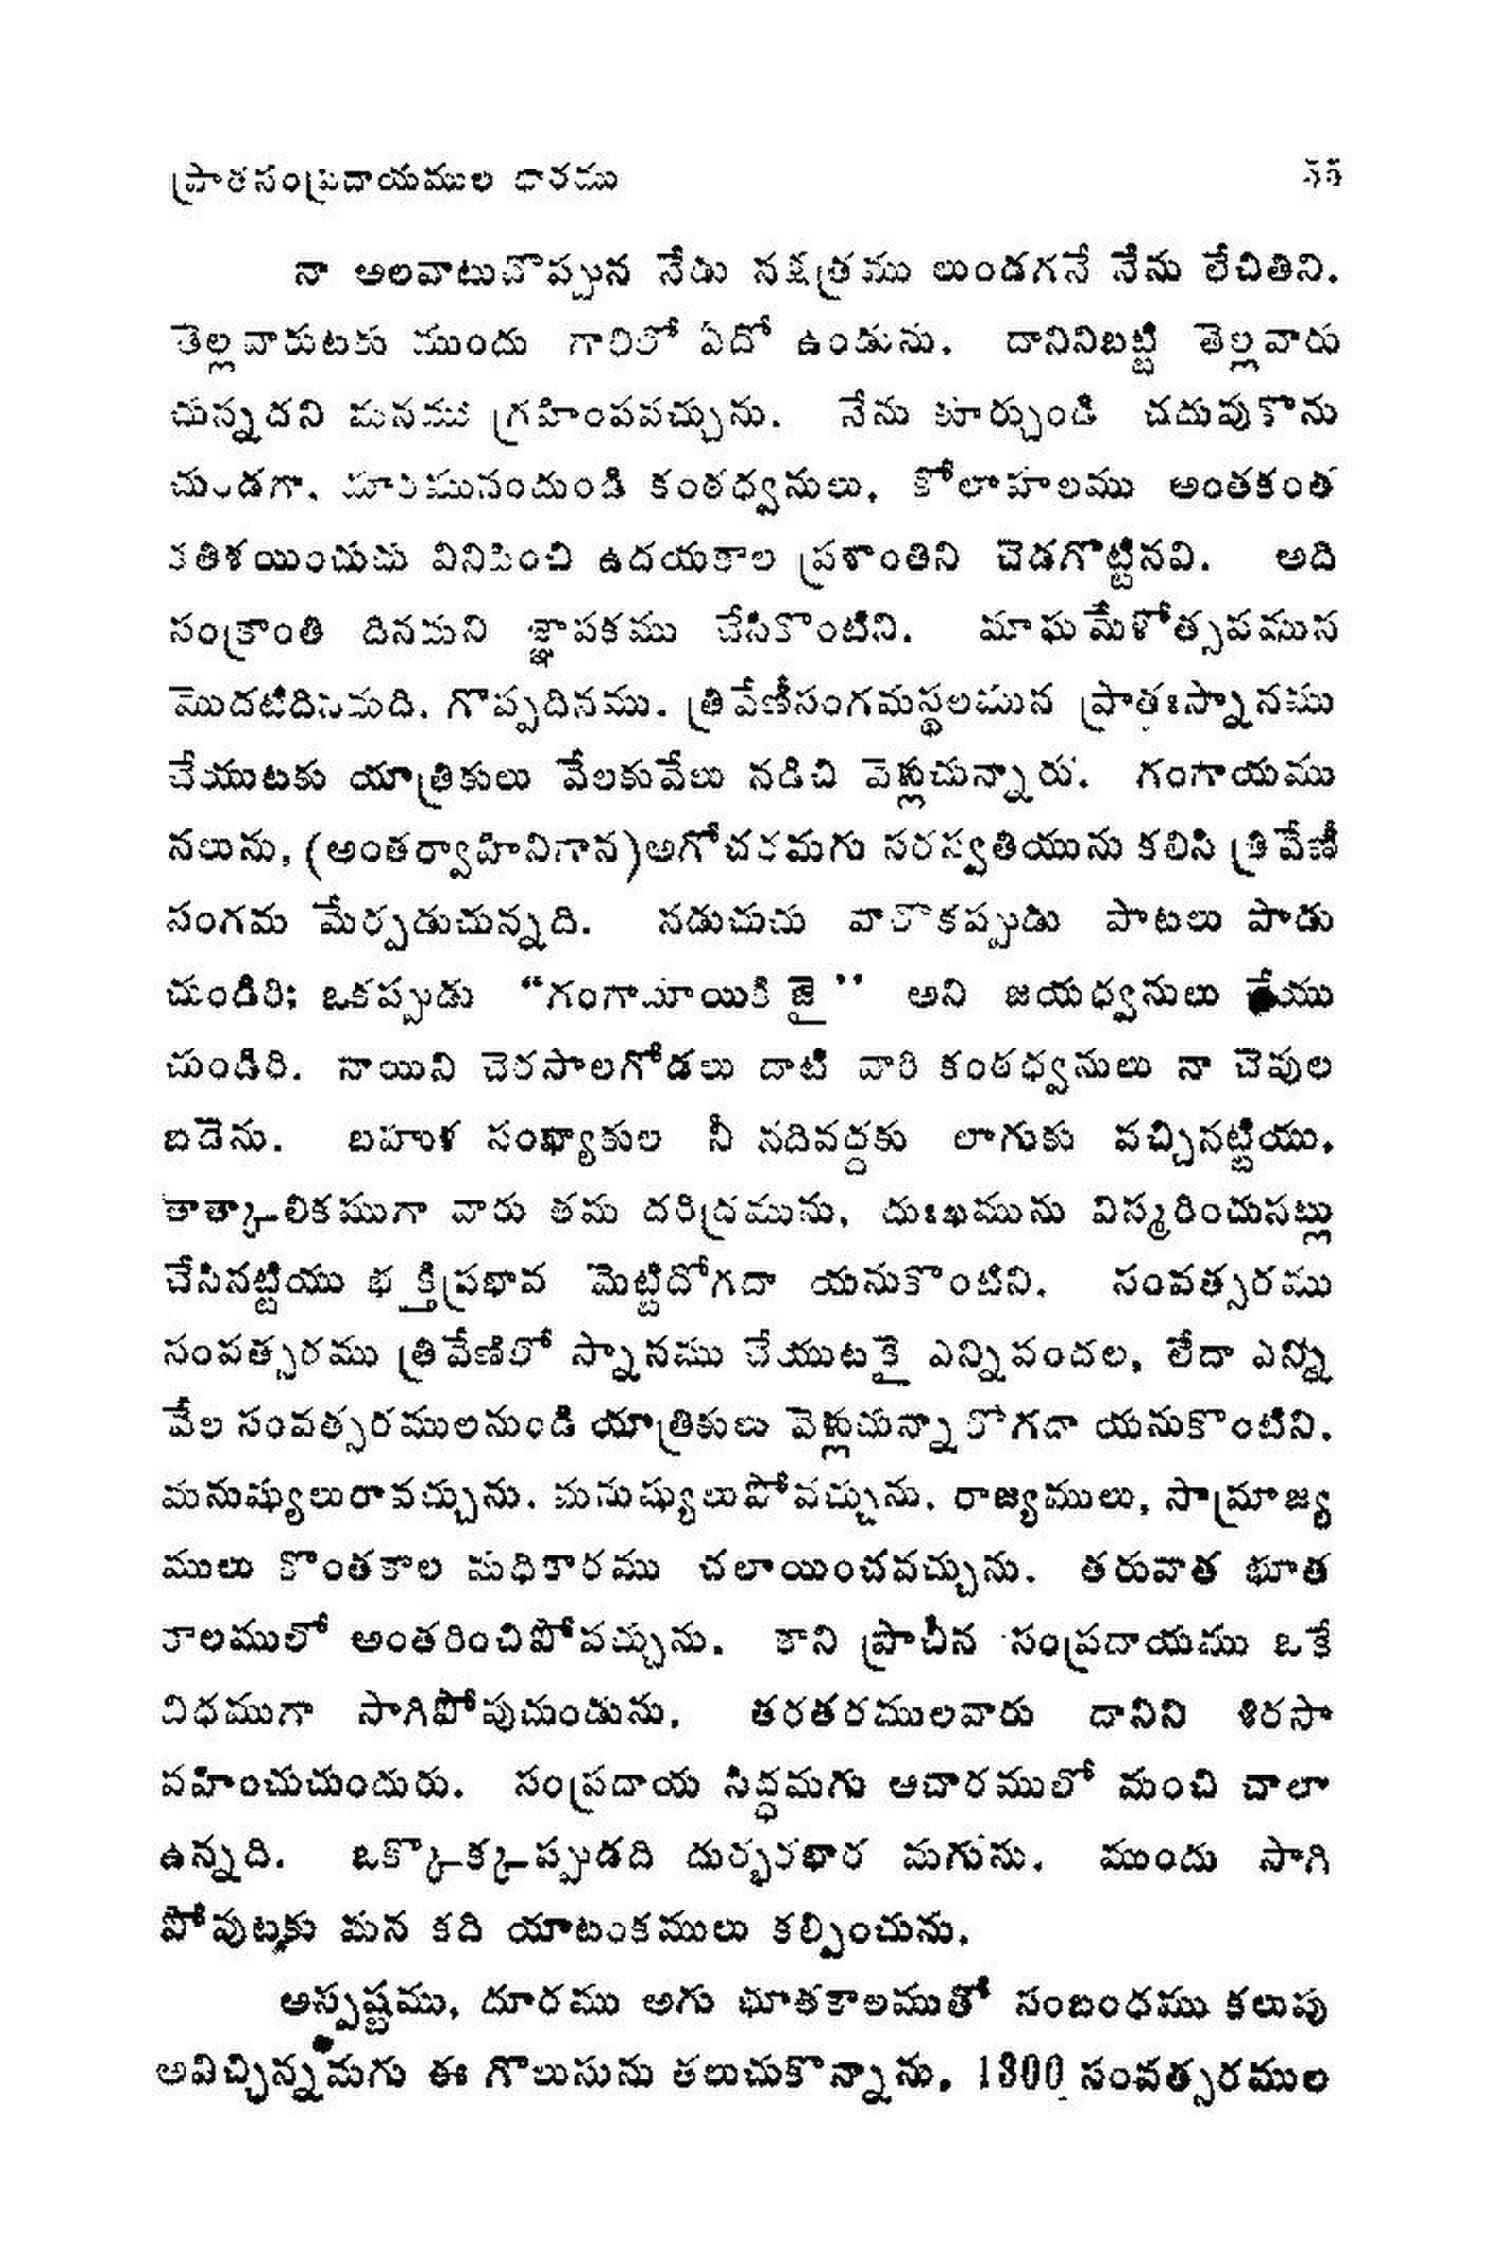నా అలవాటు చొప్పున నేడు నక్షత్రము లుండగనే నేను లేచితిని. తెల్లవారుటకు ముందు గాలిలో ఏదో ఉండును. దానినిబట్టి తెల్లవారుచున్నదని మనము గ్రహింపవచ్చును. నేను కూర్చుండి చదువుకొను చుండగా, దూరమునందుండి కంఠధ్వనులు, కోలాహలము అంతకంత కతిశయించుచు వినిపించి ఉదయకాల ప్రశాంతిని చెడగొట్టినవి. అది సంక్రాంతి దినమని జ్ఞాపకము చేసికొంటిని. మాఘమేశోత్సవమున మొదటిదినమది. గొప్పదినము. త్రివేణీసంగమస్థలమున ప్రాతఃస్నానము చేయుటకు యాత్రికులు వేలకువేలు నడిచి వెళ్లుచున్నారు. గంగాయమునలును, (అంతర్వాహినిగాన) అగోచరమగు సరస్వతియును కలిసి త్రివేణీ సంగమ మేర్పడుచున్నది. నడుచుచు వారొకప్పుడు పాటలు పాడుచుండిరి; ఒకప్పుడు “గంగా మాయికి జై " అని జయధ్వనులు చేయుచుండిరి. నాయిని చెరసాలగోడలు దాటి వారి కంఠధ్వనులు నా చెవుల బడెను. బహుళ సంఖ్యాకుల నీ నదివద్దకు లాగుకు వచ్చినట్టియు, తాత్కాలికముగా వారు తమ దరిద్రమును, దుఃఖమును విస్మరించునట్లు చేసినట్టియు భక్తిప్రభావ మెట్టిదోగదా యనుకొంటిని. సంవత్సరము సంవత్సరము త్రివేణిలో స్నానము చేయుటకై ఎన్నివందల, లేదా ఎన్ని వేల సంవత్సరములనుండి యాత్రికులు వెళ్లుచున్నారోగదా యనుకొంటిని. మనుష్యులురావచ్చును. మనుష్యులు పోవచ్చును, రాజ్యములు, సామ్రాజ్యములు కొంతకాల మధికారము చలాయించవచ్చును. తరువాత భూత కాలములో అంతరించిపోవచ్చును. కాని ప్రాచీన సంప్రదాయము ఒకే విధముగా సాగిపోవుచుండును, తరతరములవారు దానిని శిరసా వహించుచుందురు. సంప్రదాయ సిద్ధమగు ఆచారములో మంచి చాలా ఉన్నది. ఒక్కొక్కప్పుడది. దుర్భరభార మగును. ముందు సాగి పోవుటకు మన కది యాటంకములు కల్పించును.

అస్పష్టము, దూరము అగు భూతకాలముతో సంబంధము కలుపు అవిచ్ఛిన్నమగు ఈ గొలుసును తలుచుకొన్నాను. 1300 సంవత్సరముల